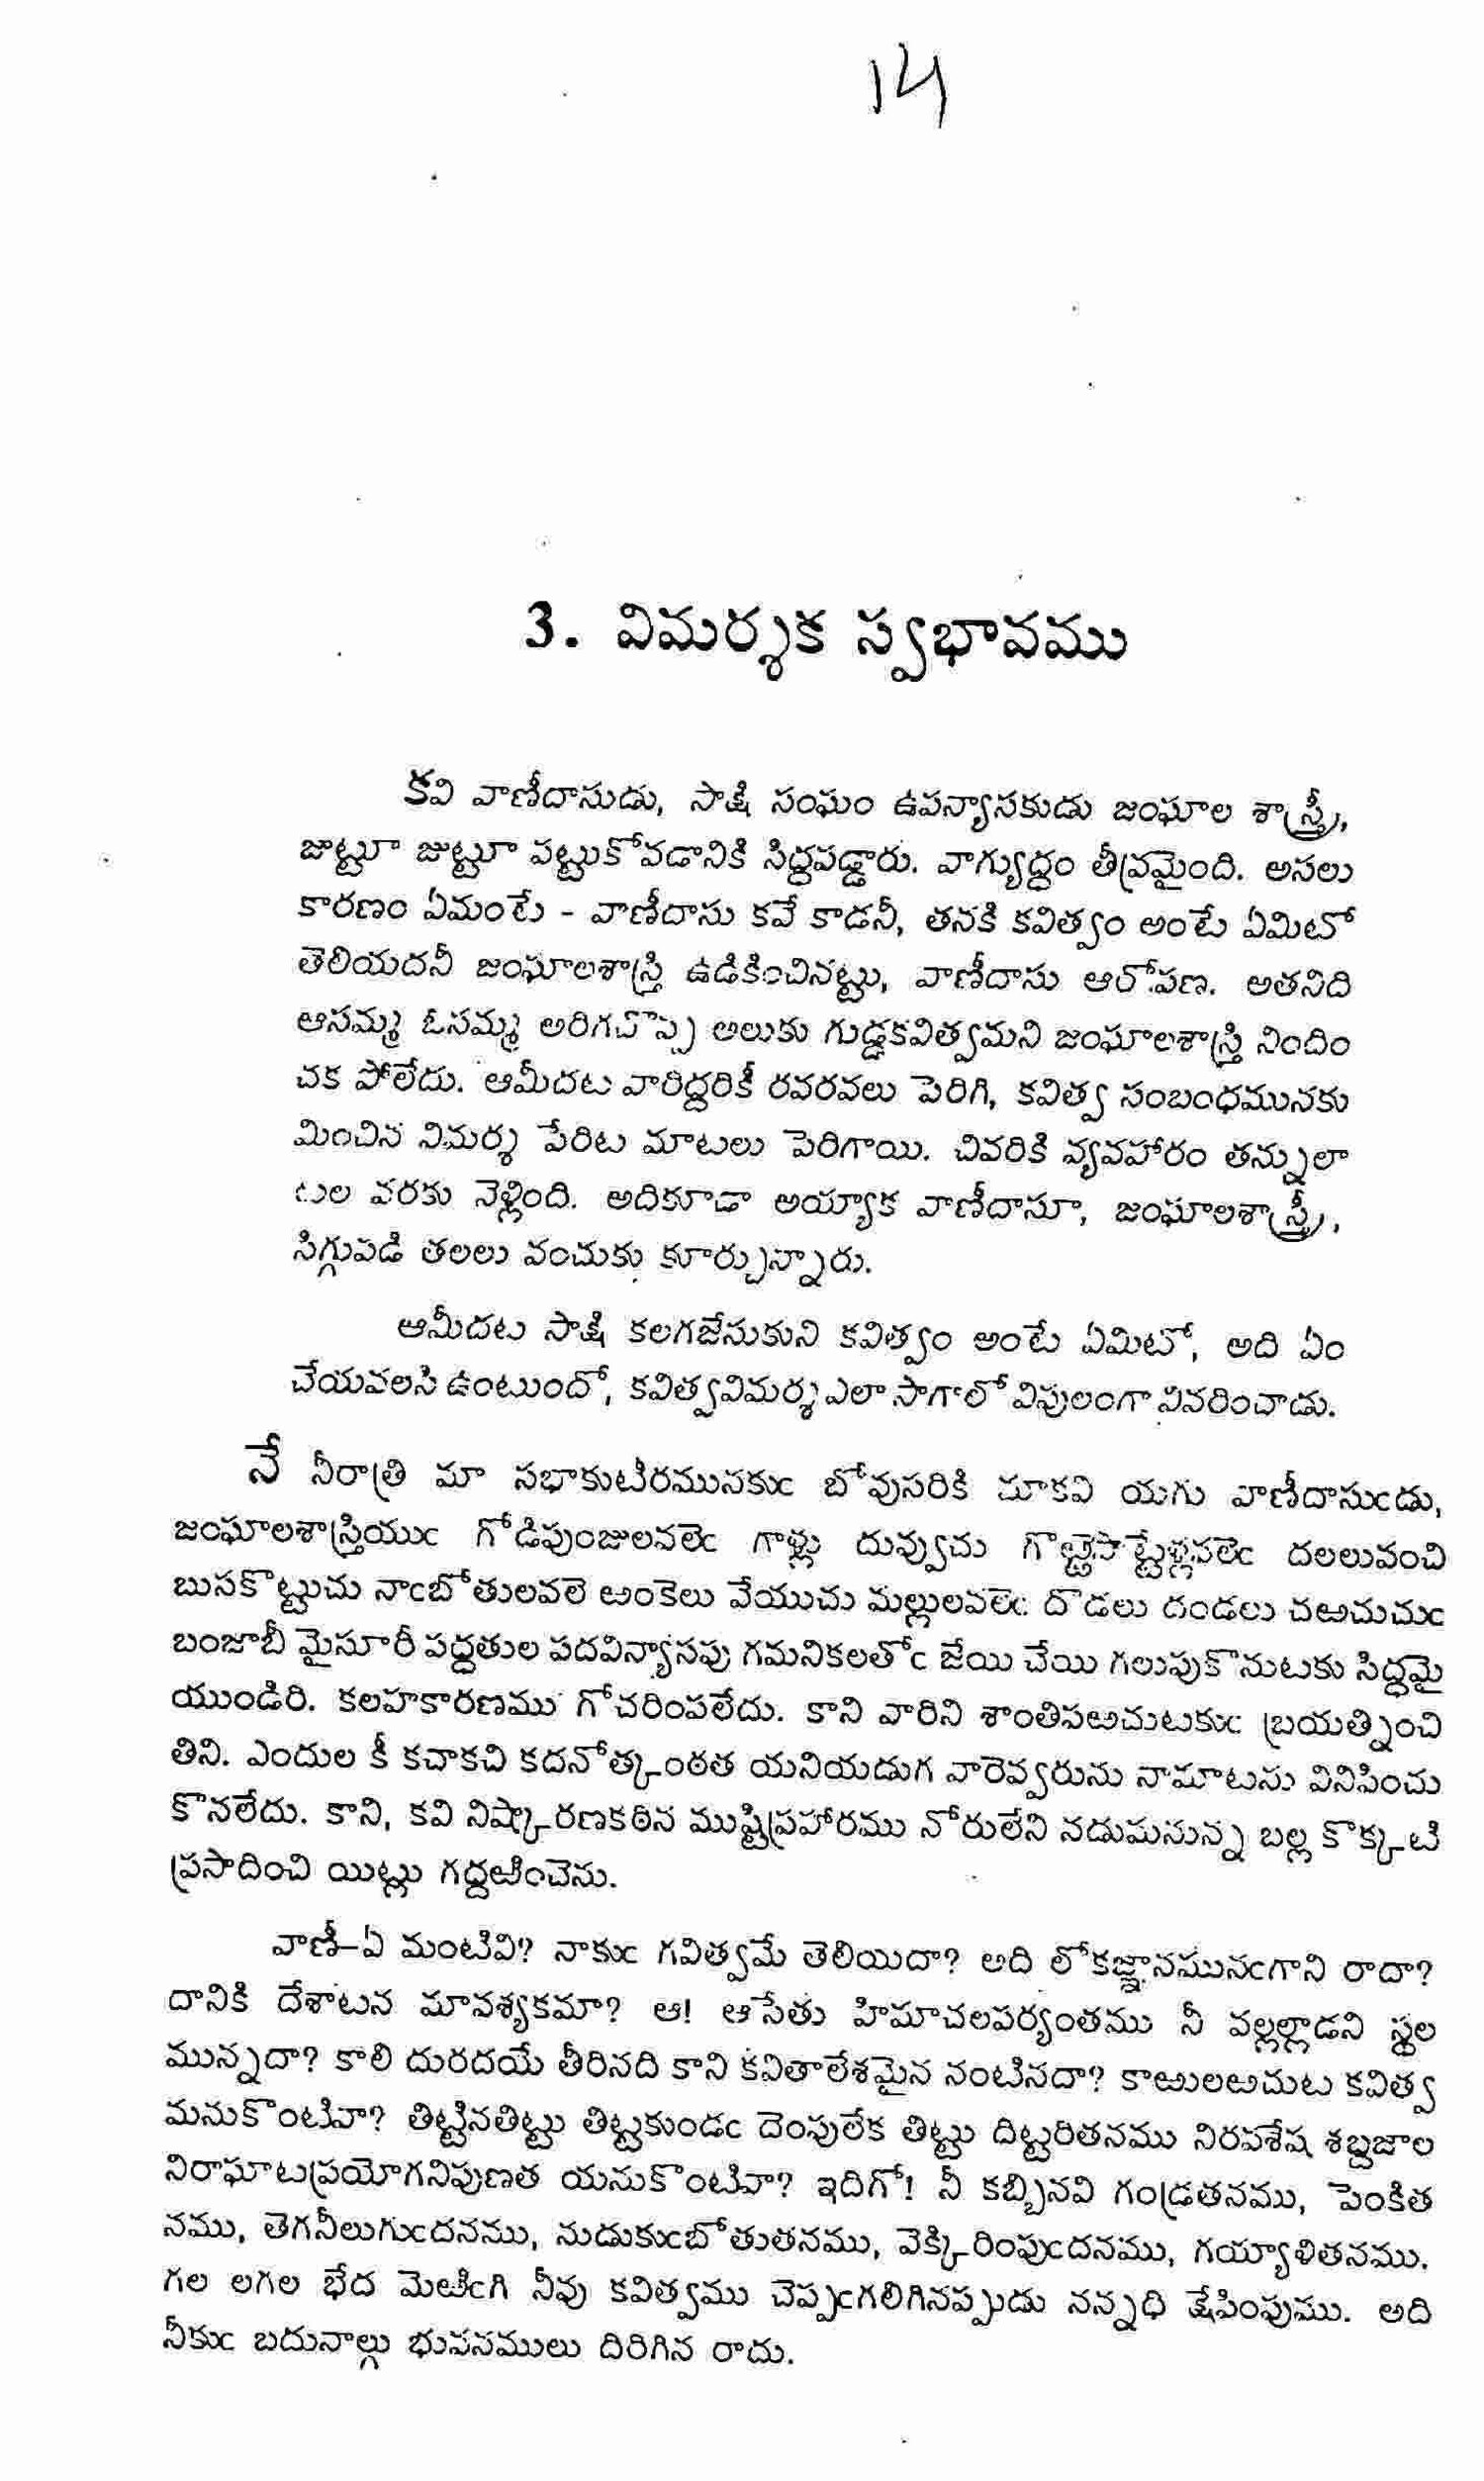3. విమర్శక స్వభావము

కవి వాణీదాసుడు, సాక్షి సంఘం ఉపన్యాసకుడు జంఘాల శాస్త్రీ, జుట్టూ జుట్టూ పట్టుకోవడానికి సిద్ధపడ్డారు. వాగ్యుద్ధం తీవ్రమైంది. అసలు కారణం ఏమంటే - వాణీదాసు కవే కాడనీ, తనకి కవిత్వం అంటే ఏమిటో తెలియదనీ జంఘాలశాస్త్రి ఉడికించినట్టు, వాణీదాసు ఆరోపణ. అతనిది ఆసమ్మ ఓసమ్మ అరిగచొప్పి అలుకు గుడ్డకవిత్వమని జంఘాలశాస్త్రి నిందించక పోలేదు. ఆ మీదట వారిద్దరికీ రవరవలు పెరిగి, కవిత్వ సంబంధమునకు మించిన విమర్శ పేరిట మాటలు పెరిగాయి. చివరికి వ్యవహారం తన్నులాటల వరకు వెళ్లింది. అదికూడా అయ్యాక వాణీదాసూ, జంఘాలశాస్త్రీ, సిగ్గుపడి తలలు వంచుకు కూర్చున్నారు.

ఆమీదట సాక్షి కలగజేసుకుని కవిత్వం అంటే ఏమిటో, అది ఏం చేయవలసి ఉంటుందో, కవిత్వవిమర్శ ఎలా సాగాలో విపులంగా వివరించాడు.

నే నీరాత్రి మా సభాకుటీరమునకుఁ బోవుసరికి మాకవి యగు వాణీదాసుఁడు, జంఘాలశాస్త్రీయుఁ గోడిపుంజులవలెఁ గాళ్లు దువ్వుచు గొఱ్ఱెపొట్టేళ్లవలెఁ దలలువంచి బుసకొట్టుచు నాఁబోతులవలె ఱంకెలు వేయుచు మల్లులవలెఁ దొడలు దండలు చఱచుచుఁ బంజాబీ మైసూరీ పద్ధతుల పదవిన్యాసపు గమనికలతోఁ జేయి చేయి గలుపుకొనుటకు సిద్ధమై యుండిరి. కలహకారణము గోచరింపలేదు. కాని వారిని శాంతిపఱచుటకుఁ బ్రయత్నించితిని. ఎందుల కీ కచాకచి కదనోత్కంఠత యనియడుగ వారెవ్వరును నామాటను వినిపించుకొనలేదు. కాని, కవి నిష్కారణకఠిన ముష్టిప్రహారము నోరులేని నడుమనున్న బల్ల కొక్కటి ప్రసాదించి యిట్లు గద్దఱించెను.

వాణీ-ఏ మంటివి? నాకుఁ గవిత్వమే తెలియదా? అది లోకజ్ఞానమునఁగాని రాదా? దానికి దేశాటన మావశ్యకమా? ఆ! ఆ సేతు హిమాచలపర్యంతము నీ వల్లల్లాడని స్థలమున్నదా? కాలి దురదయే తీరినది కాని కవితాలేశమైన నంటినదా? కాఱులఱచుట కవిత్వ మనుకొంటివా? తిట్టినతిట్టు తిట్టకుండఁ దెంపులేక తిట్టు దిట్టరితనము నిరవశేష శబ్దజాల నిరాఘాటప్రయోగనిపుణత యనుకొంటివా? ఇదిగో! నీ కబ్బినవి గండ్రతనము, పెంకితనము, తెగనీలుగుఁదనము, నుడుకుఁబోతుతనము, వెక్కిరింపుఁదనము, గయ్యాళితనము, గల లగల భేద మెఱిఁగి నీవు కవిత్వము చెప్పఁగలిగినప్పుడు నన్నది క్షేపింపుము. అది నీకుఁ బదునాల్గు భువనములు దిరిగిన రాదు.